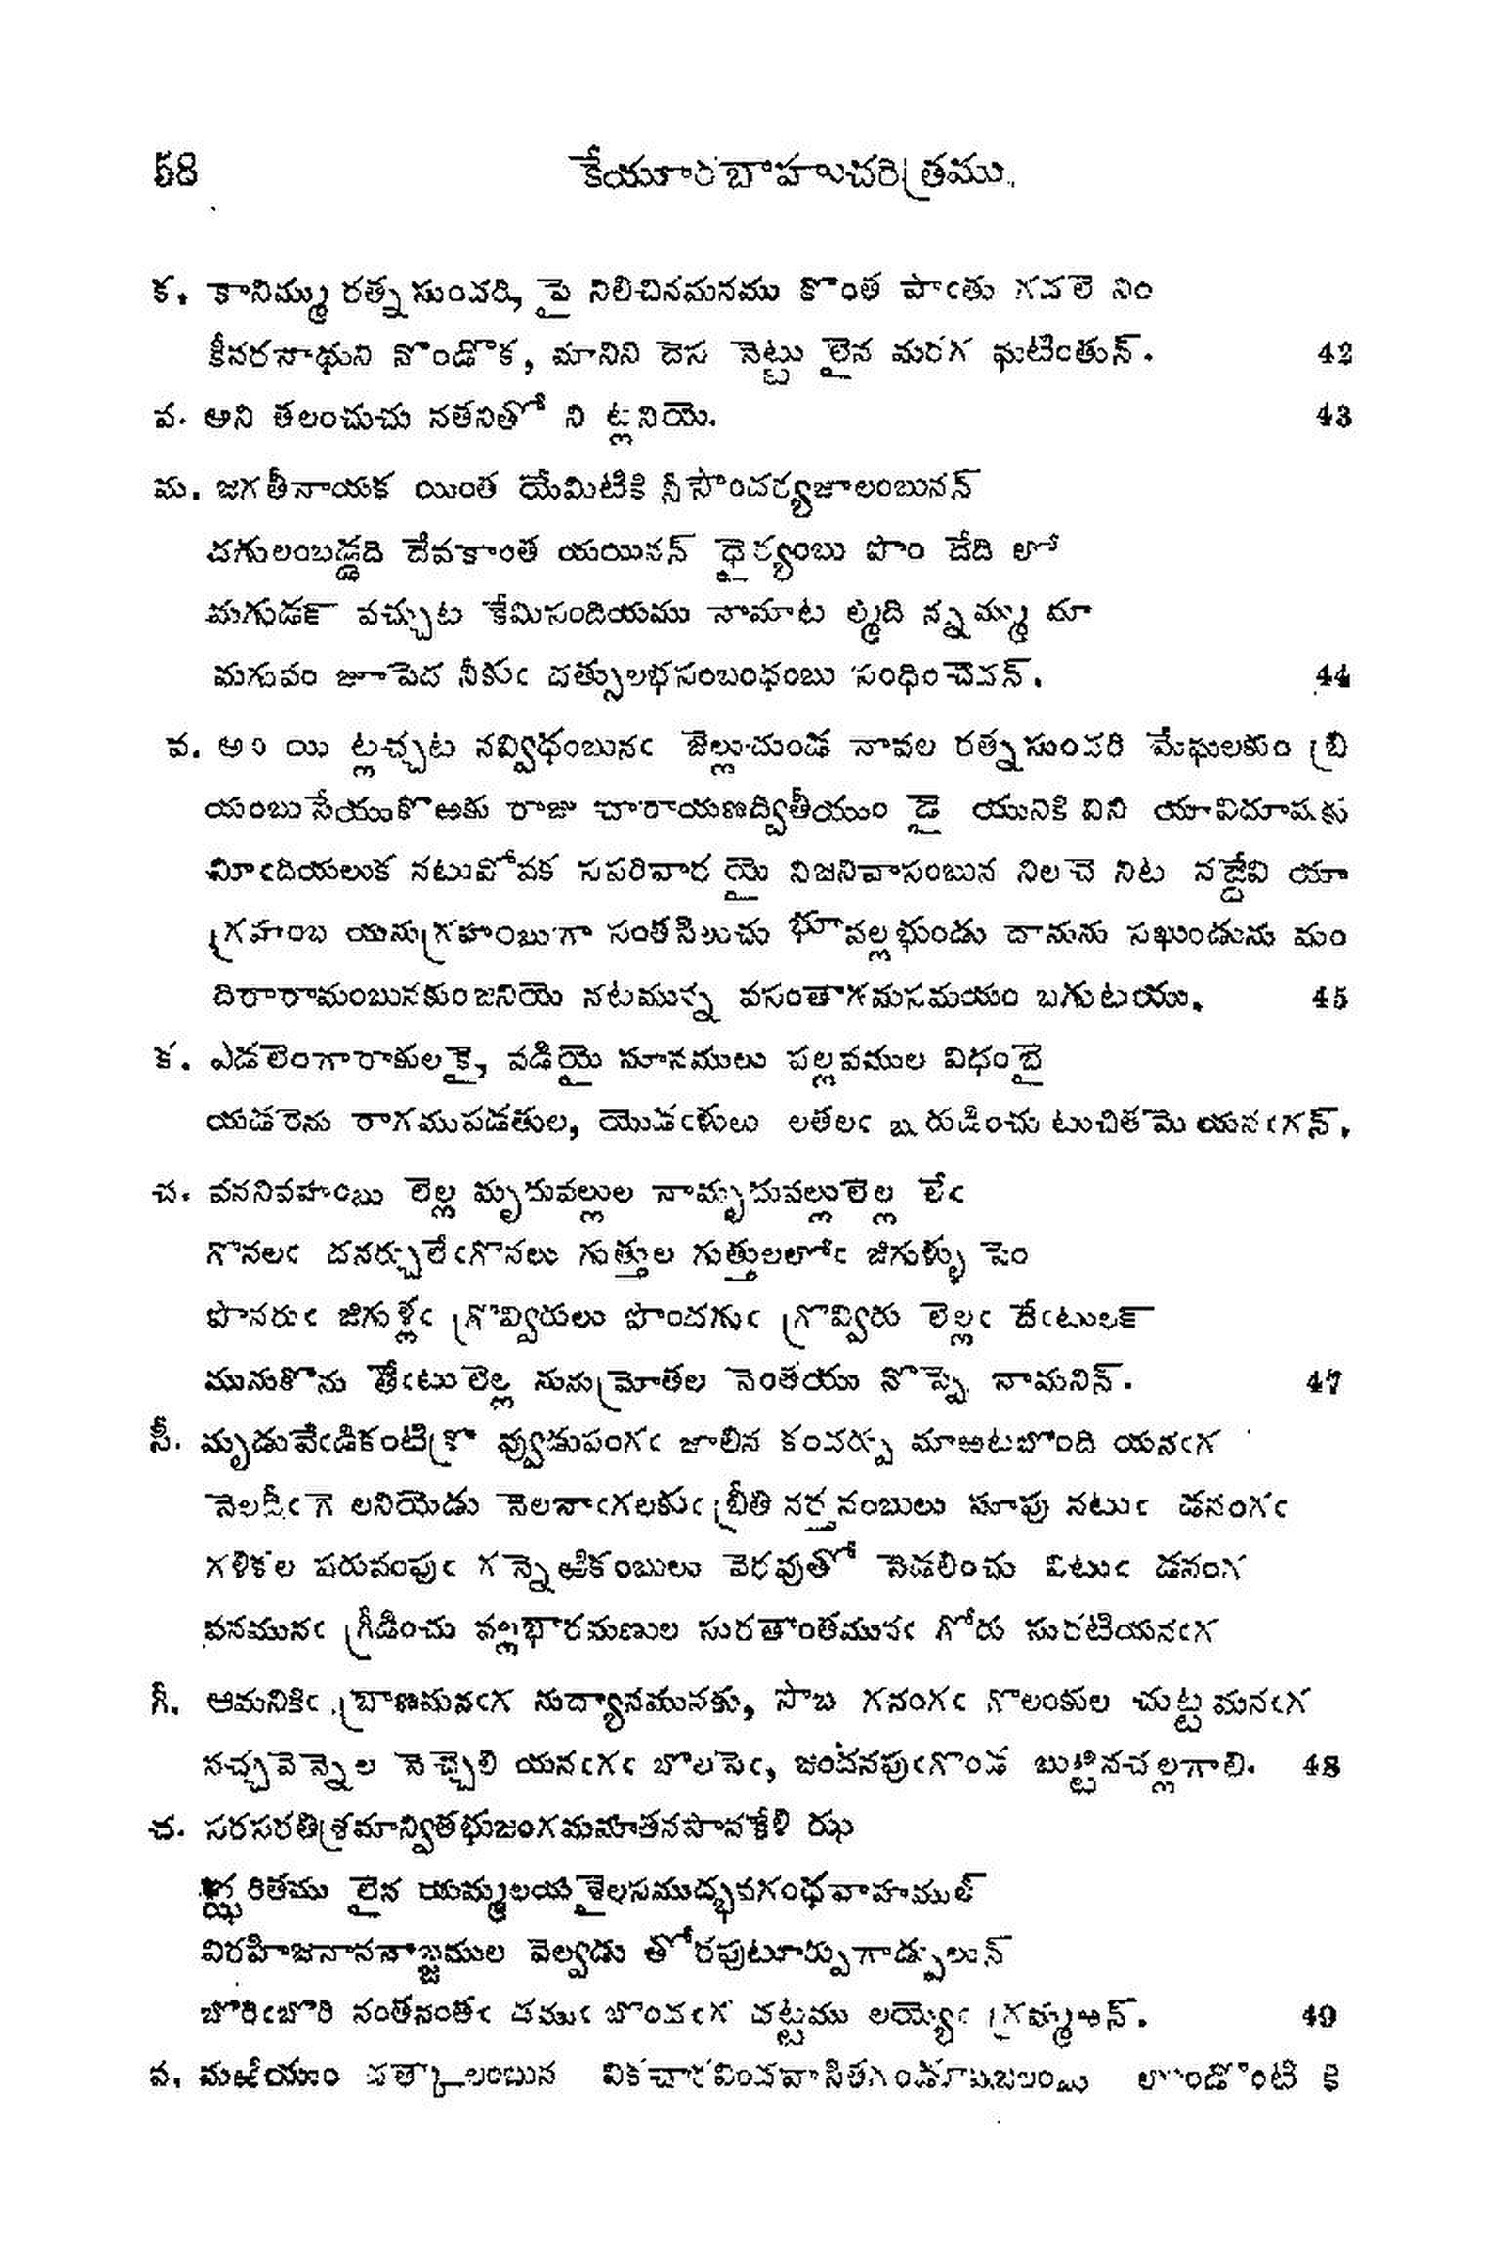క. కానిమ్ము రత్నసుందరి, పై నిలిచినమనము కొంత పాఁతు గదలె నిం
 కీనరనాథుని నొండొక, మానిని దెస నెట్టు లైన మరగ ఘటింతున్.
వ. అని తలంచుచు నతనితో నిట్లనియె.
మ. జగతీనాయక యింత యేమిటికి నీసౌందర్యజాలంబునన్
 దగులంబడ్డది దేవకాంత యయినన్ ధైర్యంబు పొం దేది లో
 మగుడన్ వచ్చుట కేమిసందియము నామాట ల్మది న్నమ్ము మా
 మగువం జూపెద నీకుఁ దత్సులభసంబంధంబు సంధించెదన్.
వ. అని యి ట్లచ్చట నవ్విధంబునఁ జెల్లుచుండ నావల రత్నసుందరి మేఘలకుం బ్రి
 యంబుసేయుకొఱకు రాజు చారాయణద్వితీయుం డై యునికి విని యావిదూషకు
 మీఁదియలుక నటువోవక సపరివార యై నిజనివాసంబున నిలచె నిట నద్దేవి యా
 గ్రహంబ యసుగ్రహంబుగా సంతసిలుచు భూవల్లభుండు దానును సఖుండును మం
 దిరారామంబునకుం జనియె నటమున్న వసంతాగమసమయం బగుటయు.
క. ఎడలెం గారాకులకై, వడియై సూనములు పల్లవముల విధంబై
 యడరెను రాగము పడతుల, యొడఁళులు లతలఁ బురుడించు టుచితమె యనఁగన్.
చ. వననివహంబు లెల్ల మృదువల్లుల నామృదువల్లులెల్ల లేఁ
 గొనలఁ దనర్చులేఁగొనలు గుత్తుల గుత్తులలోఁ జిగుళ్ళు పెం
 పొనరుఁ జిగుళ్లఁ గ్రొవ్విరులు పొందగుఁ గ్రొవ్విరు లెల్లఁ దేఁటులన్
 మునుకొను తేఁటు లెల్ల నునుమ్రోతల నెంతయు నొప్పె నామనిన్.
సీ. మృడువేఁడికంటిక్రొ వ్వుడుపంగఁ జాలిన కందర్పు మాఱటబొంది యనఁగ
 నెలదీఁగె లనియెడు నెలనాఁగలకుఁ బ్రీతి నర్తనంబులు సూపు నటుఁ డనంగఁ
 గళికల పరువంపుఁ గన్నెఱికంబులు వెరవుతో నెడలించు విటుఁ డనంగ
 వనమునఁ గ్రీడించు వల్లభారమణుల సురతాంతమునఁ గోరు సురటియనఁగ
గీ. ఆమనికిఁ బ్రాణ మనఁగ నుద్యానమునకు, సొబ గనంగఁ గొలంకుల చుట్ట మనఁగ
 నచ్చవెన్నెల నెచ్చెలి యనఁగఁ బొలసెఁ, జందనపుఁగొండ బుట్టినచల్లగాలి.
చ. సరసరతిశ్రమాన్వితభుజంగమమాతనపావకేళి ఝ
 ర్ఝరితము లైన యమ్మలయశైలసముద్భవగంధవాహముల్
 విరహిజనాననాబ్జముల వెల్వడు తోరపుటూర్పుగాడ్పులున్
 బొరిబారి నంతనంతఁ దముఁ బొందఁగ దట్టము లయ్యెఁ గ్రమ్మఱన్.
వ. మఱియుం దత్కాలంబున వికచారవిందవాసితగండూషబలంబు లొండొంటికి